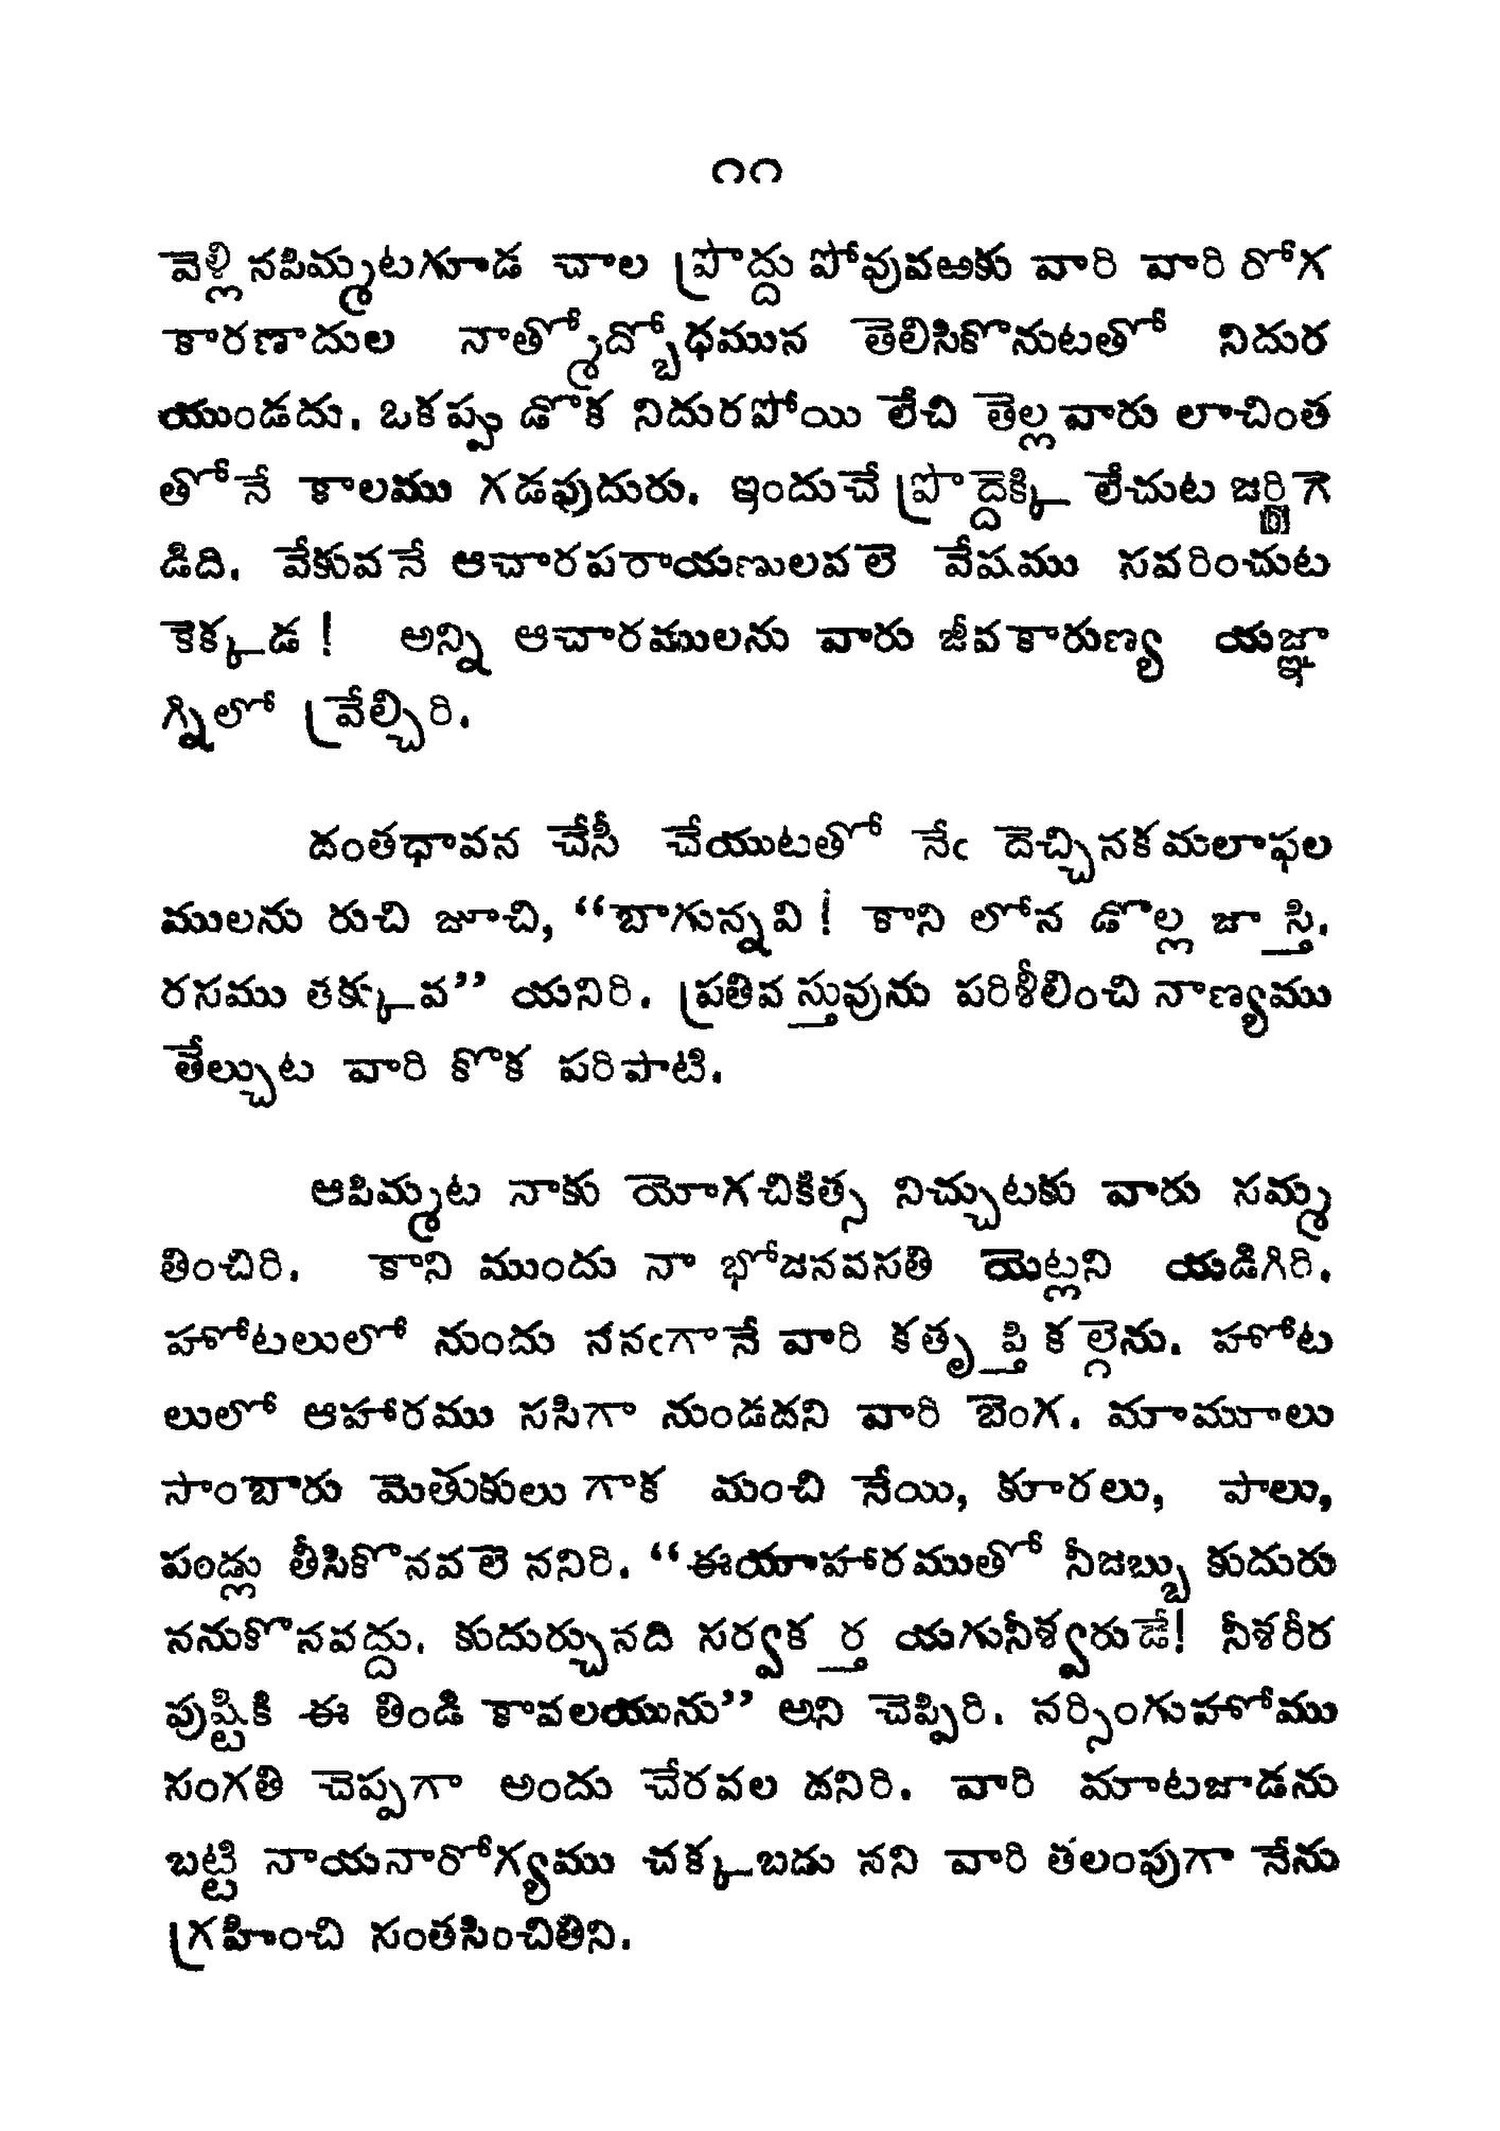వెళ్ళినపిమ్మట గూడ చాల ప్రొద్దు పోవువఱకు వారి వారి రోగ కారణాదుల నాత్మోద్బోధనము తెలిసికొనుటతో నిదుర యుండదు. ఒకప్పుడొక నిదురపోయి లేచి తెల్లవారు లా చింతతోనే కాలము గడపుదురు. ఇందుచే ప్రొద్దెక్క లేచుట జరిగెడిది. వేకువనే ఆచారపరాయణువలె వేషము సవరించుట కెక్కడ! అన్ని ఆచార ములను వారు జీవకారుణ్య యజ్ఞాగ్నిలో వ్రేల్చిరి. 
 
దంతధావన చేసీ చేయుటతో నేఁ దెచ్చిన కమలా ఫలములను రుచి జూచి," బాగు న్నవి! కాని లోన డొల్ల జాస్తి. రసము తక్కువ" యనిరి. ప్రతి వస్తువును పరిశీలించి నాణ్యము తేల్చుట వారి కొక పరిపాటి.

ఆపిమ్మట నాకు యోగచికిత్స నిచ్చుటకు వారు సమ్మతించిరి. కాని ముందు నా భోజనవసతి యెట్లని యడిగిరి. హొటలులో నుందు ననఁగానే వారి కతృప్తి కల్గెను. హొటలులో ఆహారము ససిగా నుండదని వారి బెంగ. మామూలు సాంబారు మెతుకులు గాక మంచి నేయి, కూరలు, పాలు, పండ్లు తీసికొనవలె ననిరి." ఈ యాహరముతో నీ జబ్బు కుదురునను కొనవద్దు. కుదుర్చునది సర్వకర్తయగు నిశ్వరుడే! నీ శరీర పుష్టికి ఈ తిండి కావలయును" అని చెప్పిరి. నర్సింగుహొము సంగతి చెప్పగా అందు చేరవల దనిరి. వారి మాతజాడను బట్టి నా యనారోగ్యము చక్కబడు నని వారి తలంపుగా నేను గ్రహించి సంతసించితిని.